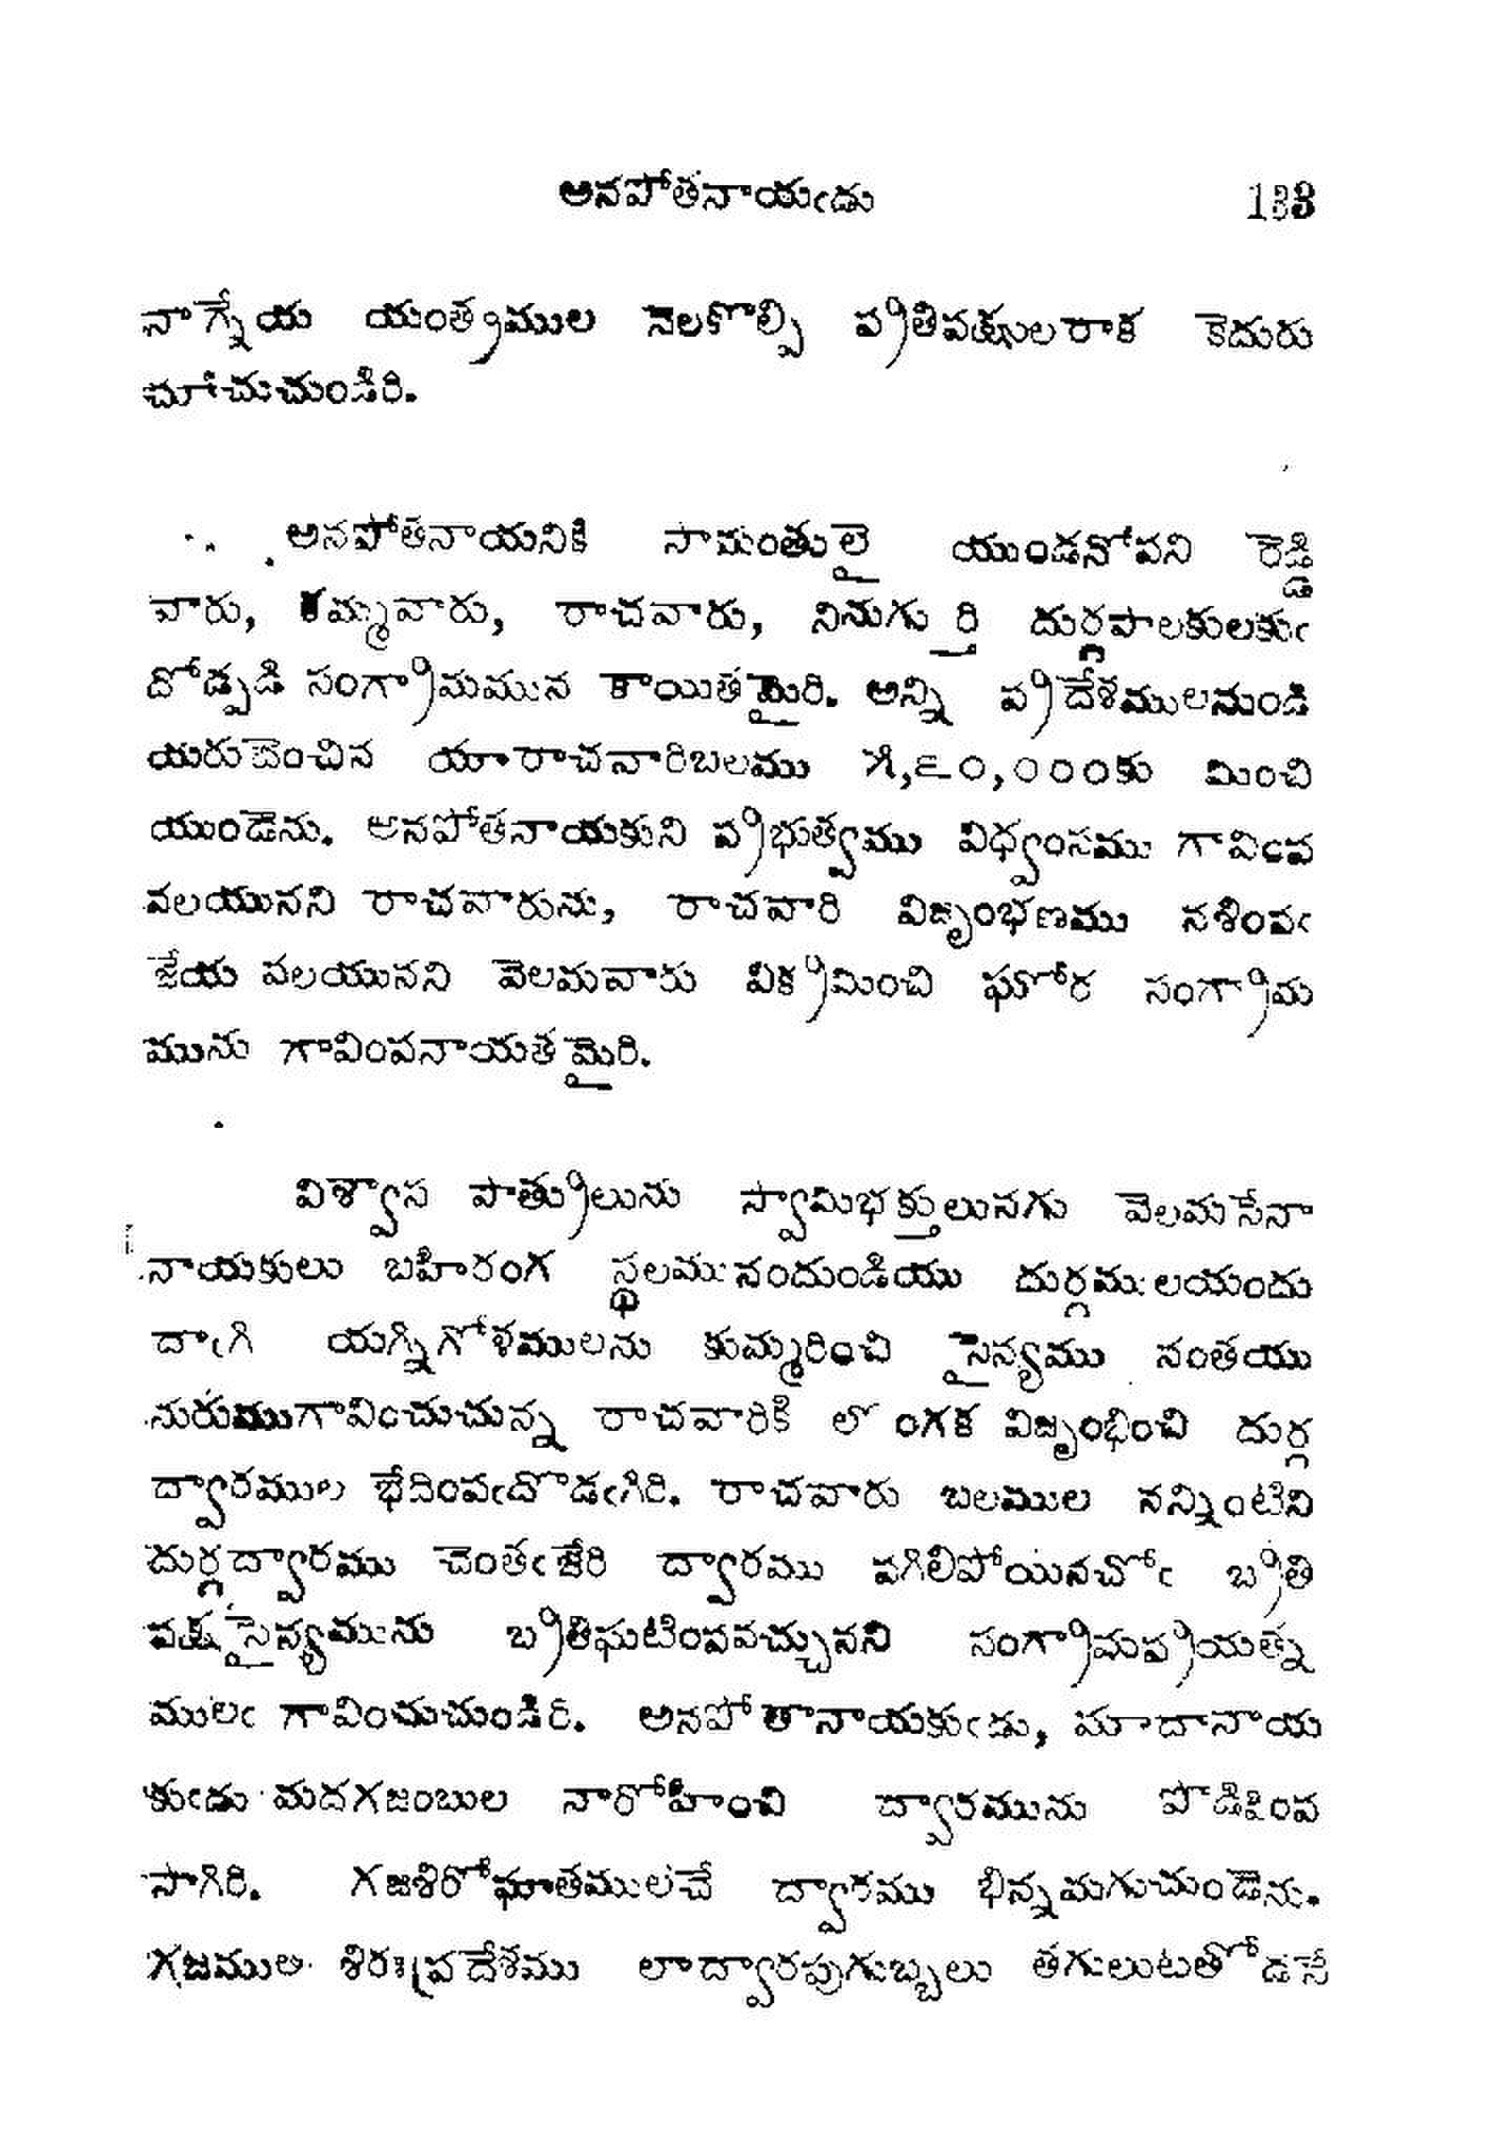నాగ్నేయ యంత్రముల నెలకొల్పి ప్రతిపక్షులరాక కెదురు చూచుచుండిరి.

అనపోతనాయనికి సామంతులై యుండనోపని రెడ్డివారు, కమ్మవారు, రాచవారు, నినుగుర్తి దుర్గపాలకులకు దోడ్పడి సంగ్రామమున కాయితమైరి. అన్ని ప్రదేశములనుండి యరుదెంచిన యారాచవారిబలము 5,60,000కు మించి యుండెను. అనపోతనాయకుని ప్రభుత్వము విధ్వంసము గావింప వలయునని రాచవారును, రాచవారి విజృంభణము నశింపజేయ వలయునని వెలమవారు విక్రమించి ఘోర సంగ్రామమును గావింపనాయతమైరి.

విశ్వాస పాత్రులును స్వామిభక్తులునగు వెలమసేనా నాయకులు బహిరంగ స్థలమునందుండియు దుర్గములయందు దాగి యగ్నిగోళములను కుమ్మరించి సైన్యము నంతయు నురుముగావించుచున్న రాచవారికి లొంగక విజృంభించి దుర్గద్వారముల భేధింపదొడగిరి. రాచవారు బలముల నన్నింటిని దుర్గద్వారము చెంతజేరి ద్వారము పగిలిపోయినచో బ్రతిపక్షసైన్యమును బ్రతిఘటింపవచ్చునని సంగ్రామప్రయత్నముల గావించుచుండిరి. అనపోతానాయకుడు, మాదానాయకుడు మదగజంబుల నారోహించి ద్వారమును పొడిపింపసాగిరి. గజశిరోఘాతములచే ద్వారము భిన్నమగుచుండెను. గజముల శిర:ప్రదేశము లాద్వారపుగుబ్బలు తగులుటతోడనే